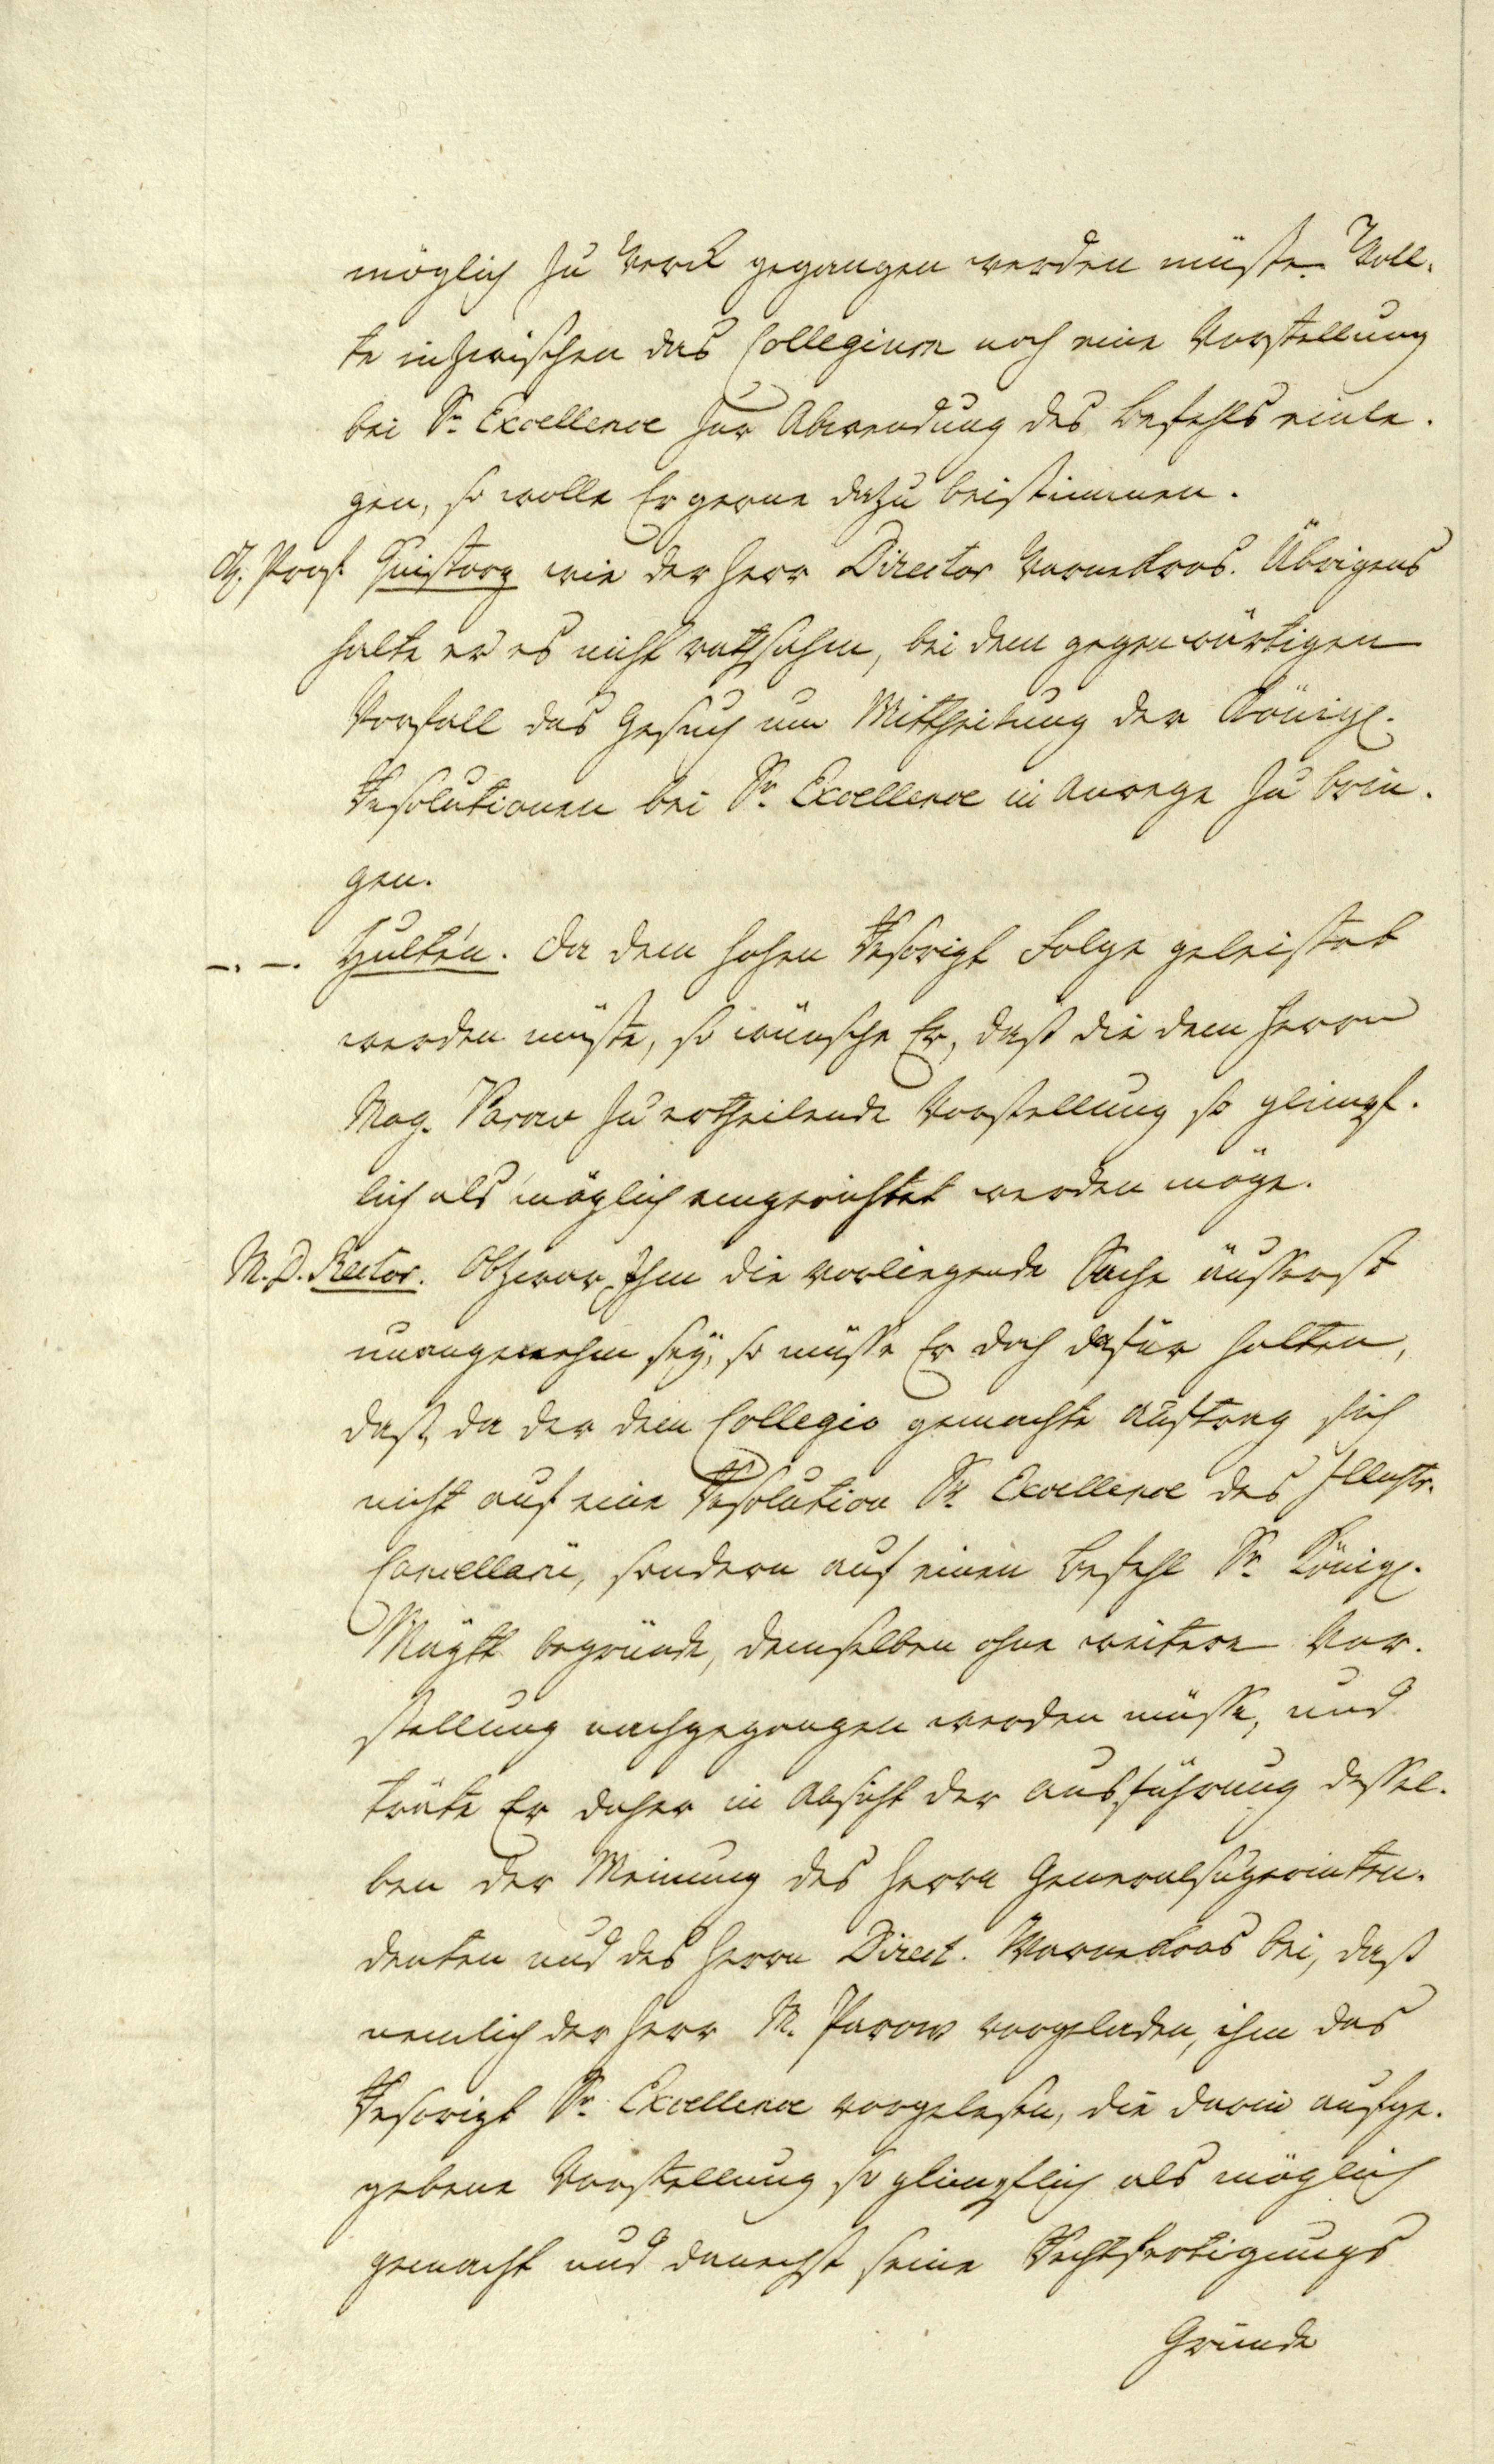möglich zu Werck gegangen werden müste. Woll¬
te inzwischen das Collegium noch eine Vorstellung
bei Sr. Excellnce zur Abwendung des Befehls einle¬
gen, so wolle Er gerne dazu beistimmen.
dh. Prof. Quistorp wie der herr Director Warnekros. Übrigens
halte er es nicht rathsahm, bei dem gegenwärtigen
Vorfall das Gesuch um Mittheilung der Königl.
Resolutionen bei Sr. Excellence in Anzeige zu brin¬
gen.
Hultèn. da dem hohen Rescript Folge geleistet
werden müste, so wünsche Er, daß die dem Herrn
Mag. Parow zu ertheilende Vorstellung so glimpf¬
lich als möglich eingerichtet werden möge.
M. D. Rector. Obzwar Ihm die vorliegende Sache äusserst
unangenehm seÿ, so müsse Er doch dafür halten,
daß, da der dem Collegio gemachte Auftrag sich
nicht auf eine Resolution Sr. Excellence des Illustr.
Cancellarii, sondern auf einen Befehl Sr. Königl.
Maÿtt. begründe, demselben ohne weitere Vor¬
stellung nachgegangen werden müsse, und
träte Er daher in Absicht der Ausführung dessel¬
ben der Meinung des herrn Generalsuperinten¬
denten und des herrn Direct. Warnekros bei, daß
nemlich der Herr M. Parow vorgeladen, ihm das
Rescript Sr. Excellence vorgelesen, die darin aufge¬
gebene Vorstellung so glimpflich als möglich
gemacht und danechst seine Rechtfertigungs
Gründe